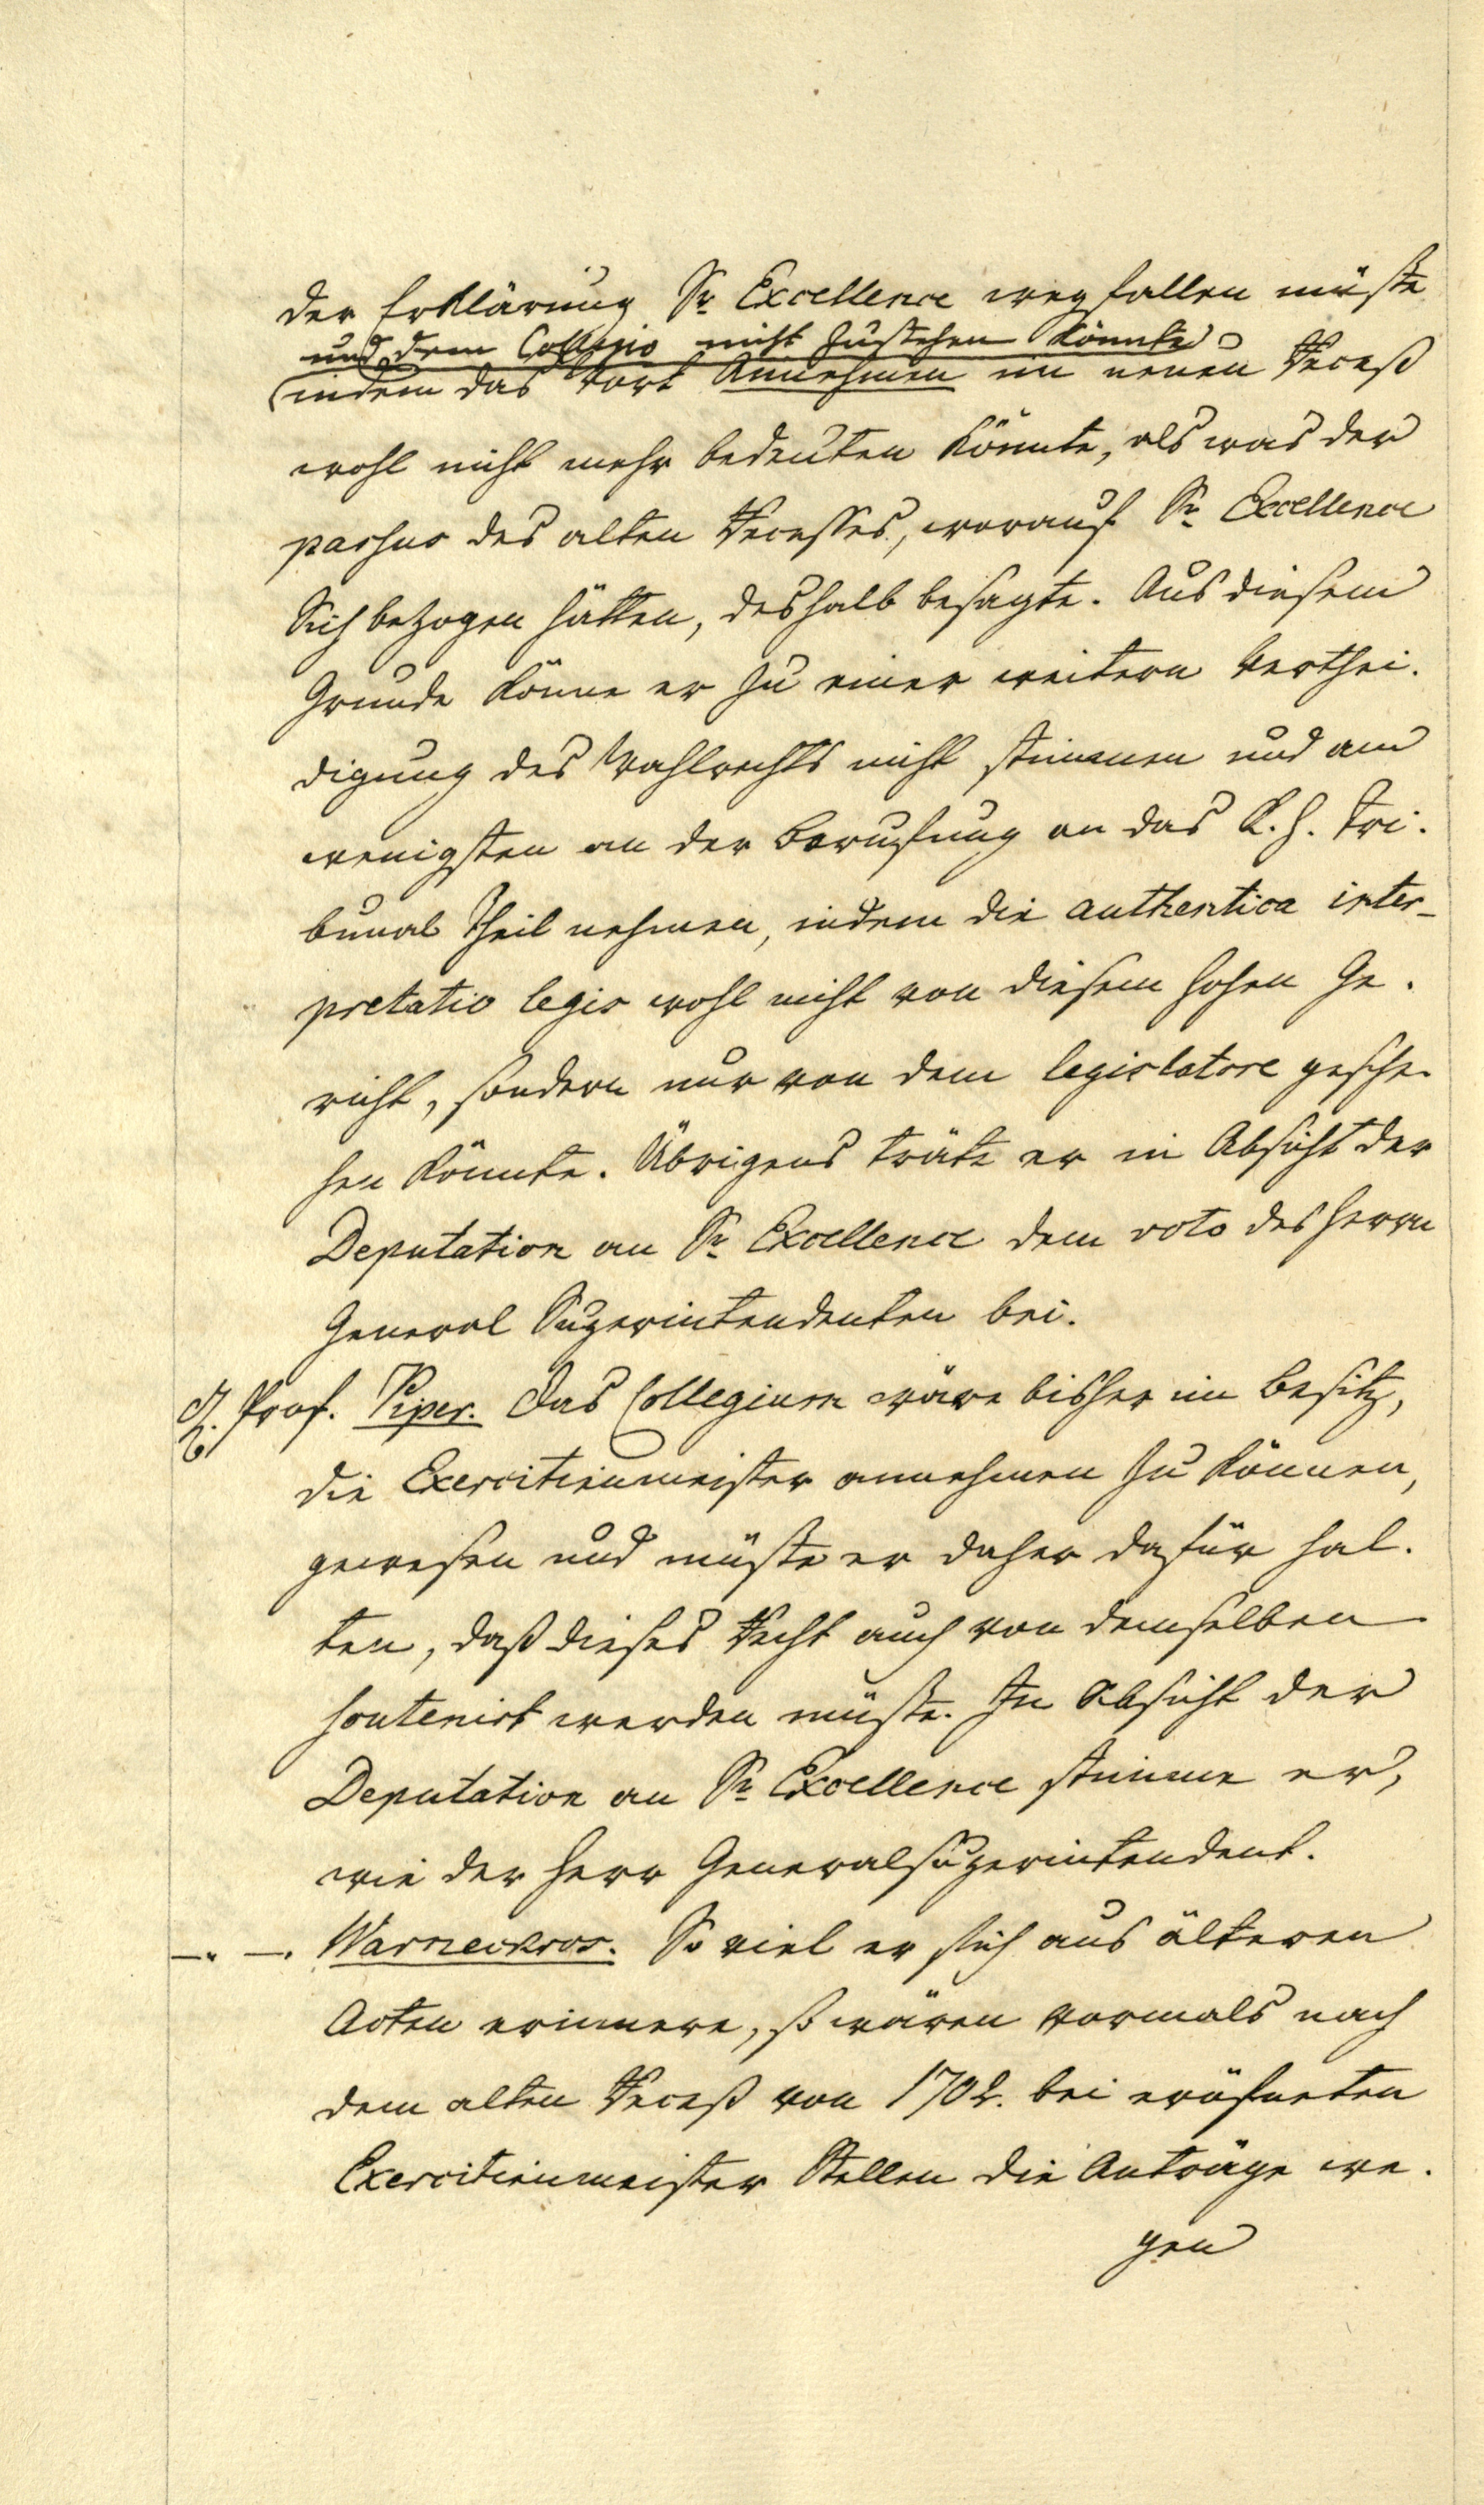der Erklärung Sr Excellence wegfallen müßte
und dem Collegio nicht zustehen könnte
indem das Wort Annehmen im neuen Receß
wohl nicht mehr bedeuten könnte, als was der
passus des alten Recesses, worauf Sr Excellence
Sich bezogen hätten, deshalb besagte. Aus diesem
Grunde könne er zu einer weitern Verthei¬
digung des Wahlrechts nicht stimmen und am
wenigsten an der Berufung an das K. H. Tri¬
bunal Theil nehmen, indem die authentica inter¬
pretatio legis wohl nicht von diesem hohen Ge¬
richt, sondern nur von dem legislatore gesche¬
hen könnte. Übrigens träte er in Absicht der
Deputation an Sr Excellence dem voto des Herrn
General Superintendenten bei.
dh. Prof. Piper. Das Collegium wäre bisher im Besitz,
die Exercitienmeister annehmen zu können,
gewesen und müßte er daher dafür hal¬
ten, daß dieses Recht auch von demselben
soutenirt werden müßte. In Absicht der
Deputation an Sr Excellence stimme er
wie der Herr Generalsuperintendent.
Warneckros. So viel er sich aus älteren
Acten erinnere, so wären vormals nach
dem alten Receß von 1702. bei eröfneten
Exercitienmeister Stellen die Anträge we¬
gen